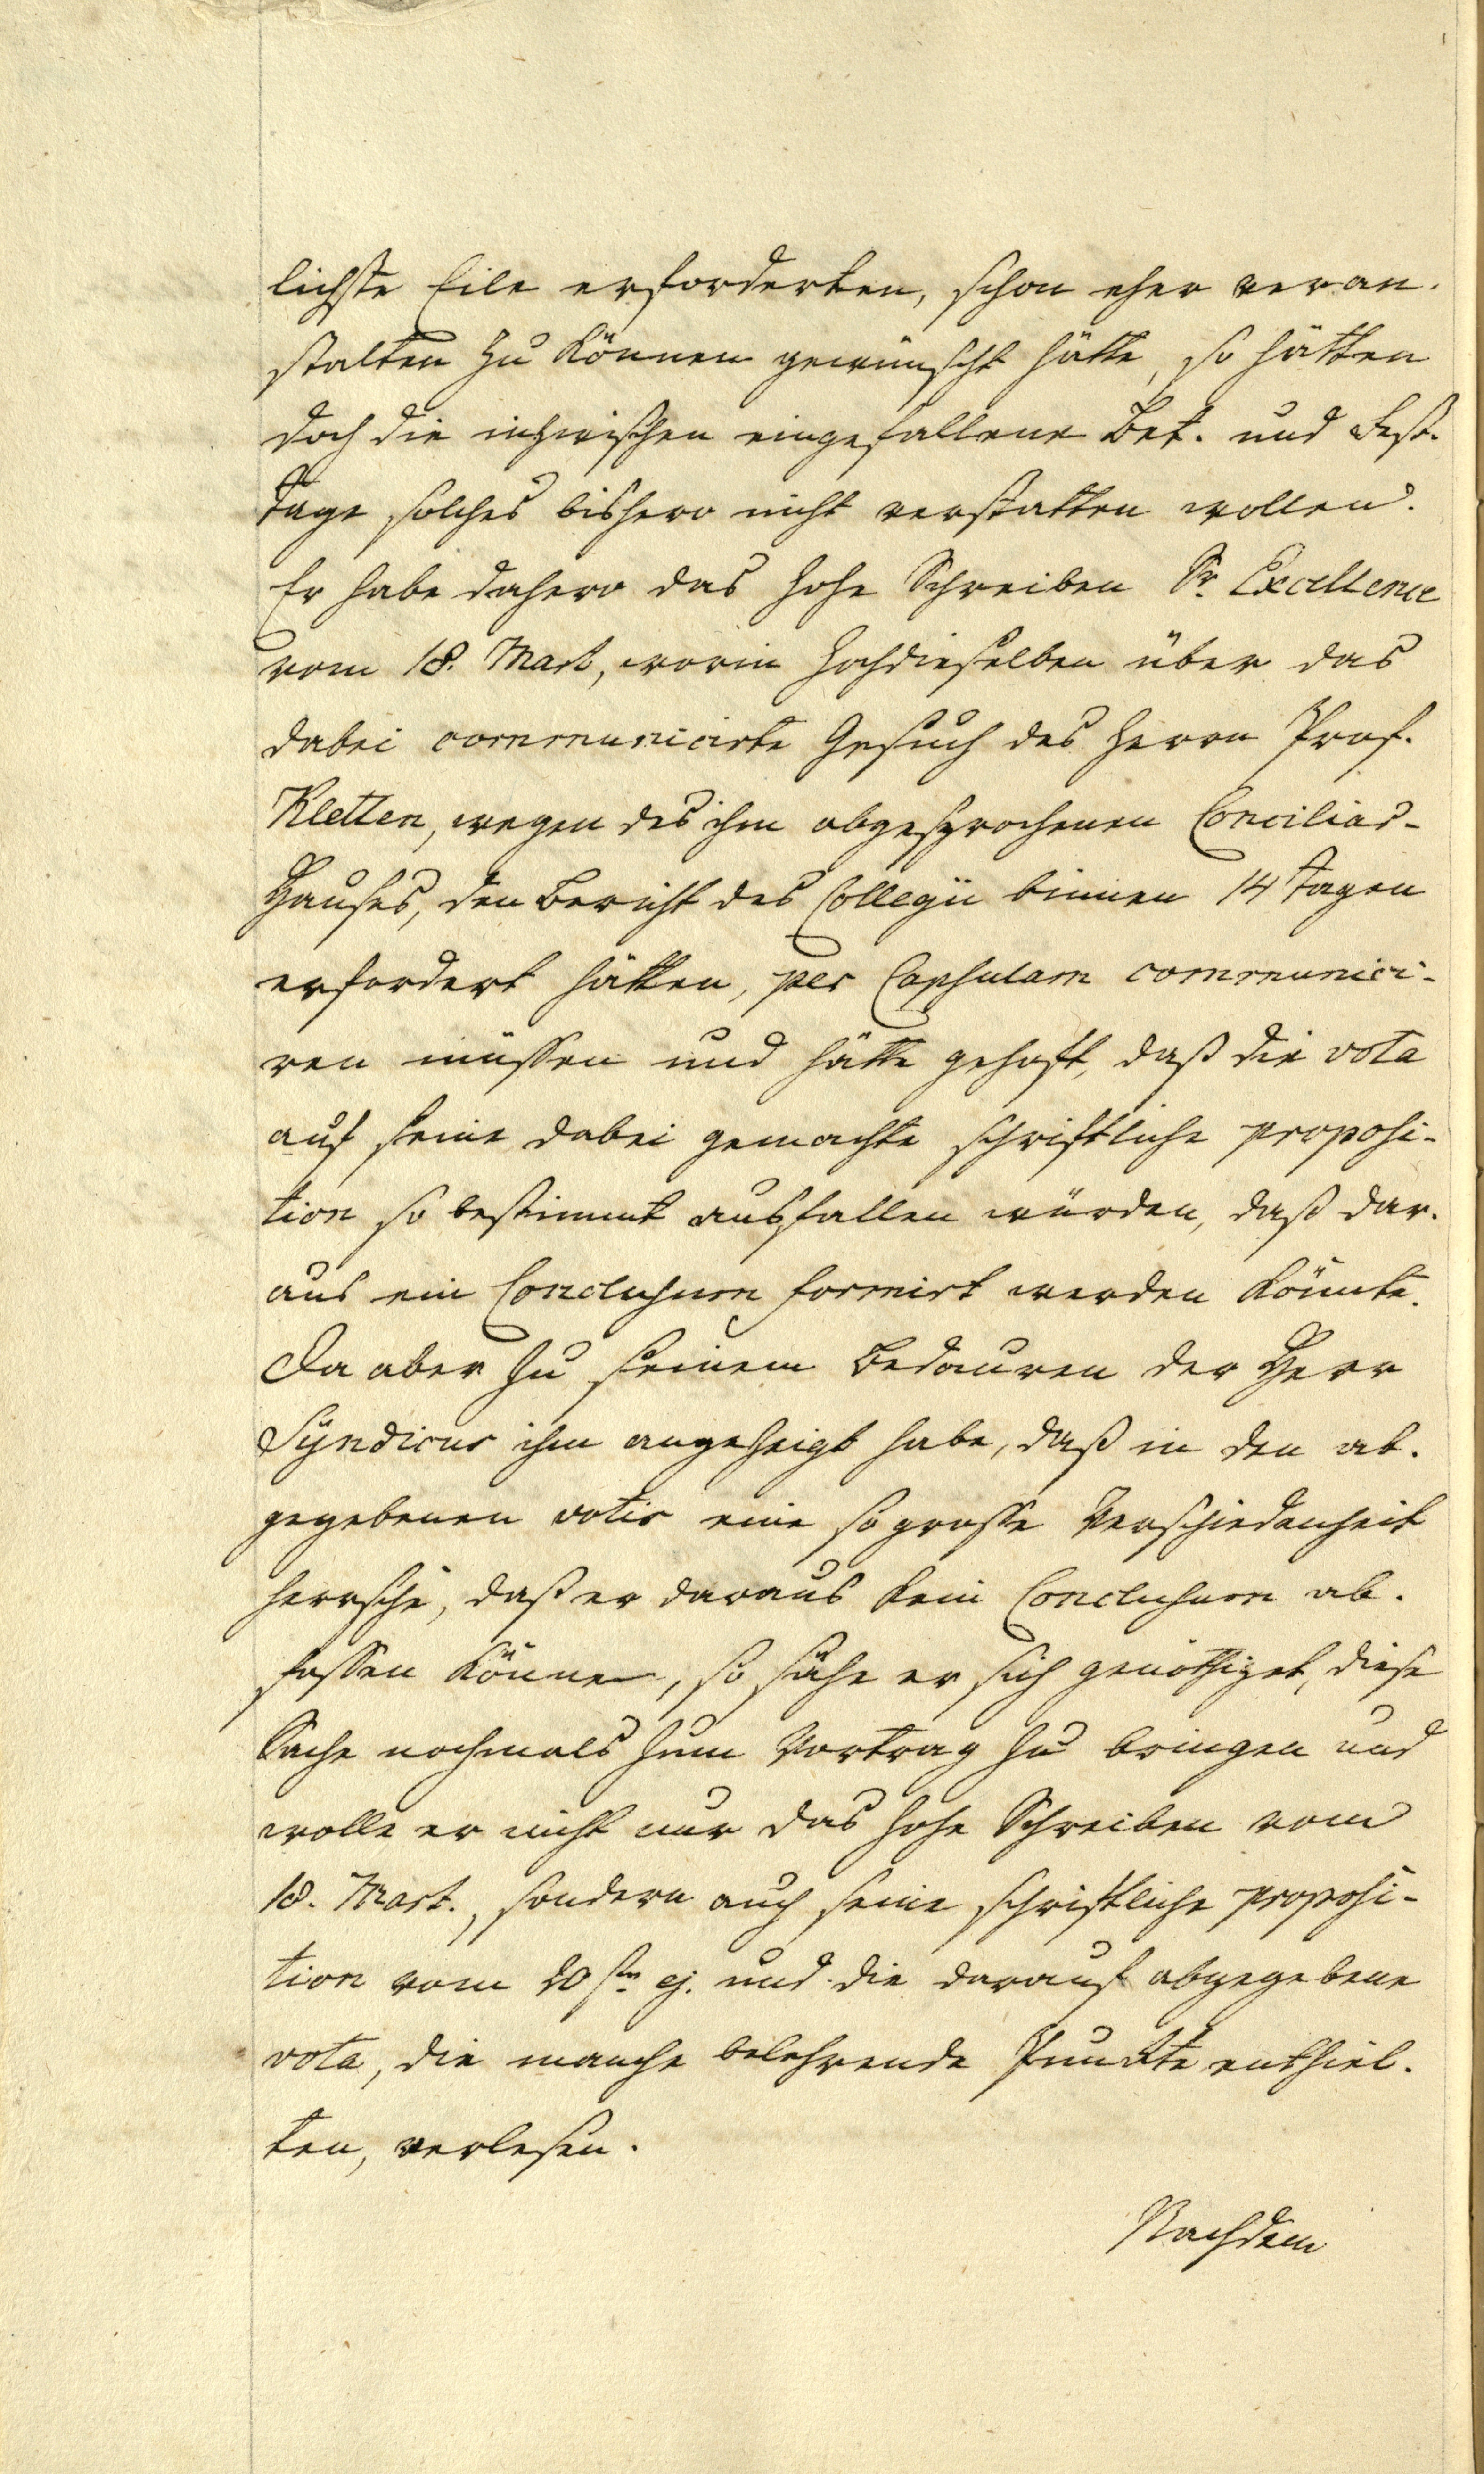lichste Eile erforderten, schon eher veran¬
stalten zu können gewünscht hätte, so hätten
doch die inzwischen eingefallene Bet- und Fest-
Tage solches bishero nicht verstatten wollen.
Er habe dahero das hohe Schreiben Sr Excellence
vom 18. Mart, worin Hochdieselben über das
dabei communicirte Gesuch des Herrn Prof.
Kletten, wegen des ihm abgesprochenen Conciliar¬
Hauses, den Bericht des Collegii binnen 14 Tagen
erfordert hätten, per Capsulam communici¬
ren müssen und hätte gehoft, daß die vota
auf seine dabei gemachte schriftliche proposi¬
tion so bestimmt ausfallen würden, daß dar¬
aus ein Conclusum formirt werden könnte.
Da aber zu seinem Bedauren der Herr
Sÿndicus ihm angezeigt habe, daß in den ab¬
gegebenen votis eine so grosse Verschiedenheit
herrsche, daß er daraus kein Conclusum ab¬
fassen können, so sähe er sich genöthiget, diese
Sache nochmals zum Vortrag zu bringen und
wolle er nicht nur das hohe Schreiben vom
18. Mart., sondern auch seine schriftliche proposi-
tion vom 20 ten ej. und die darauf abgegebene
vota, die manche belehrende Punckte enthiel¬
ten, verlesen.
Nachdem